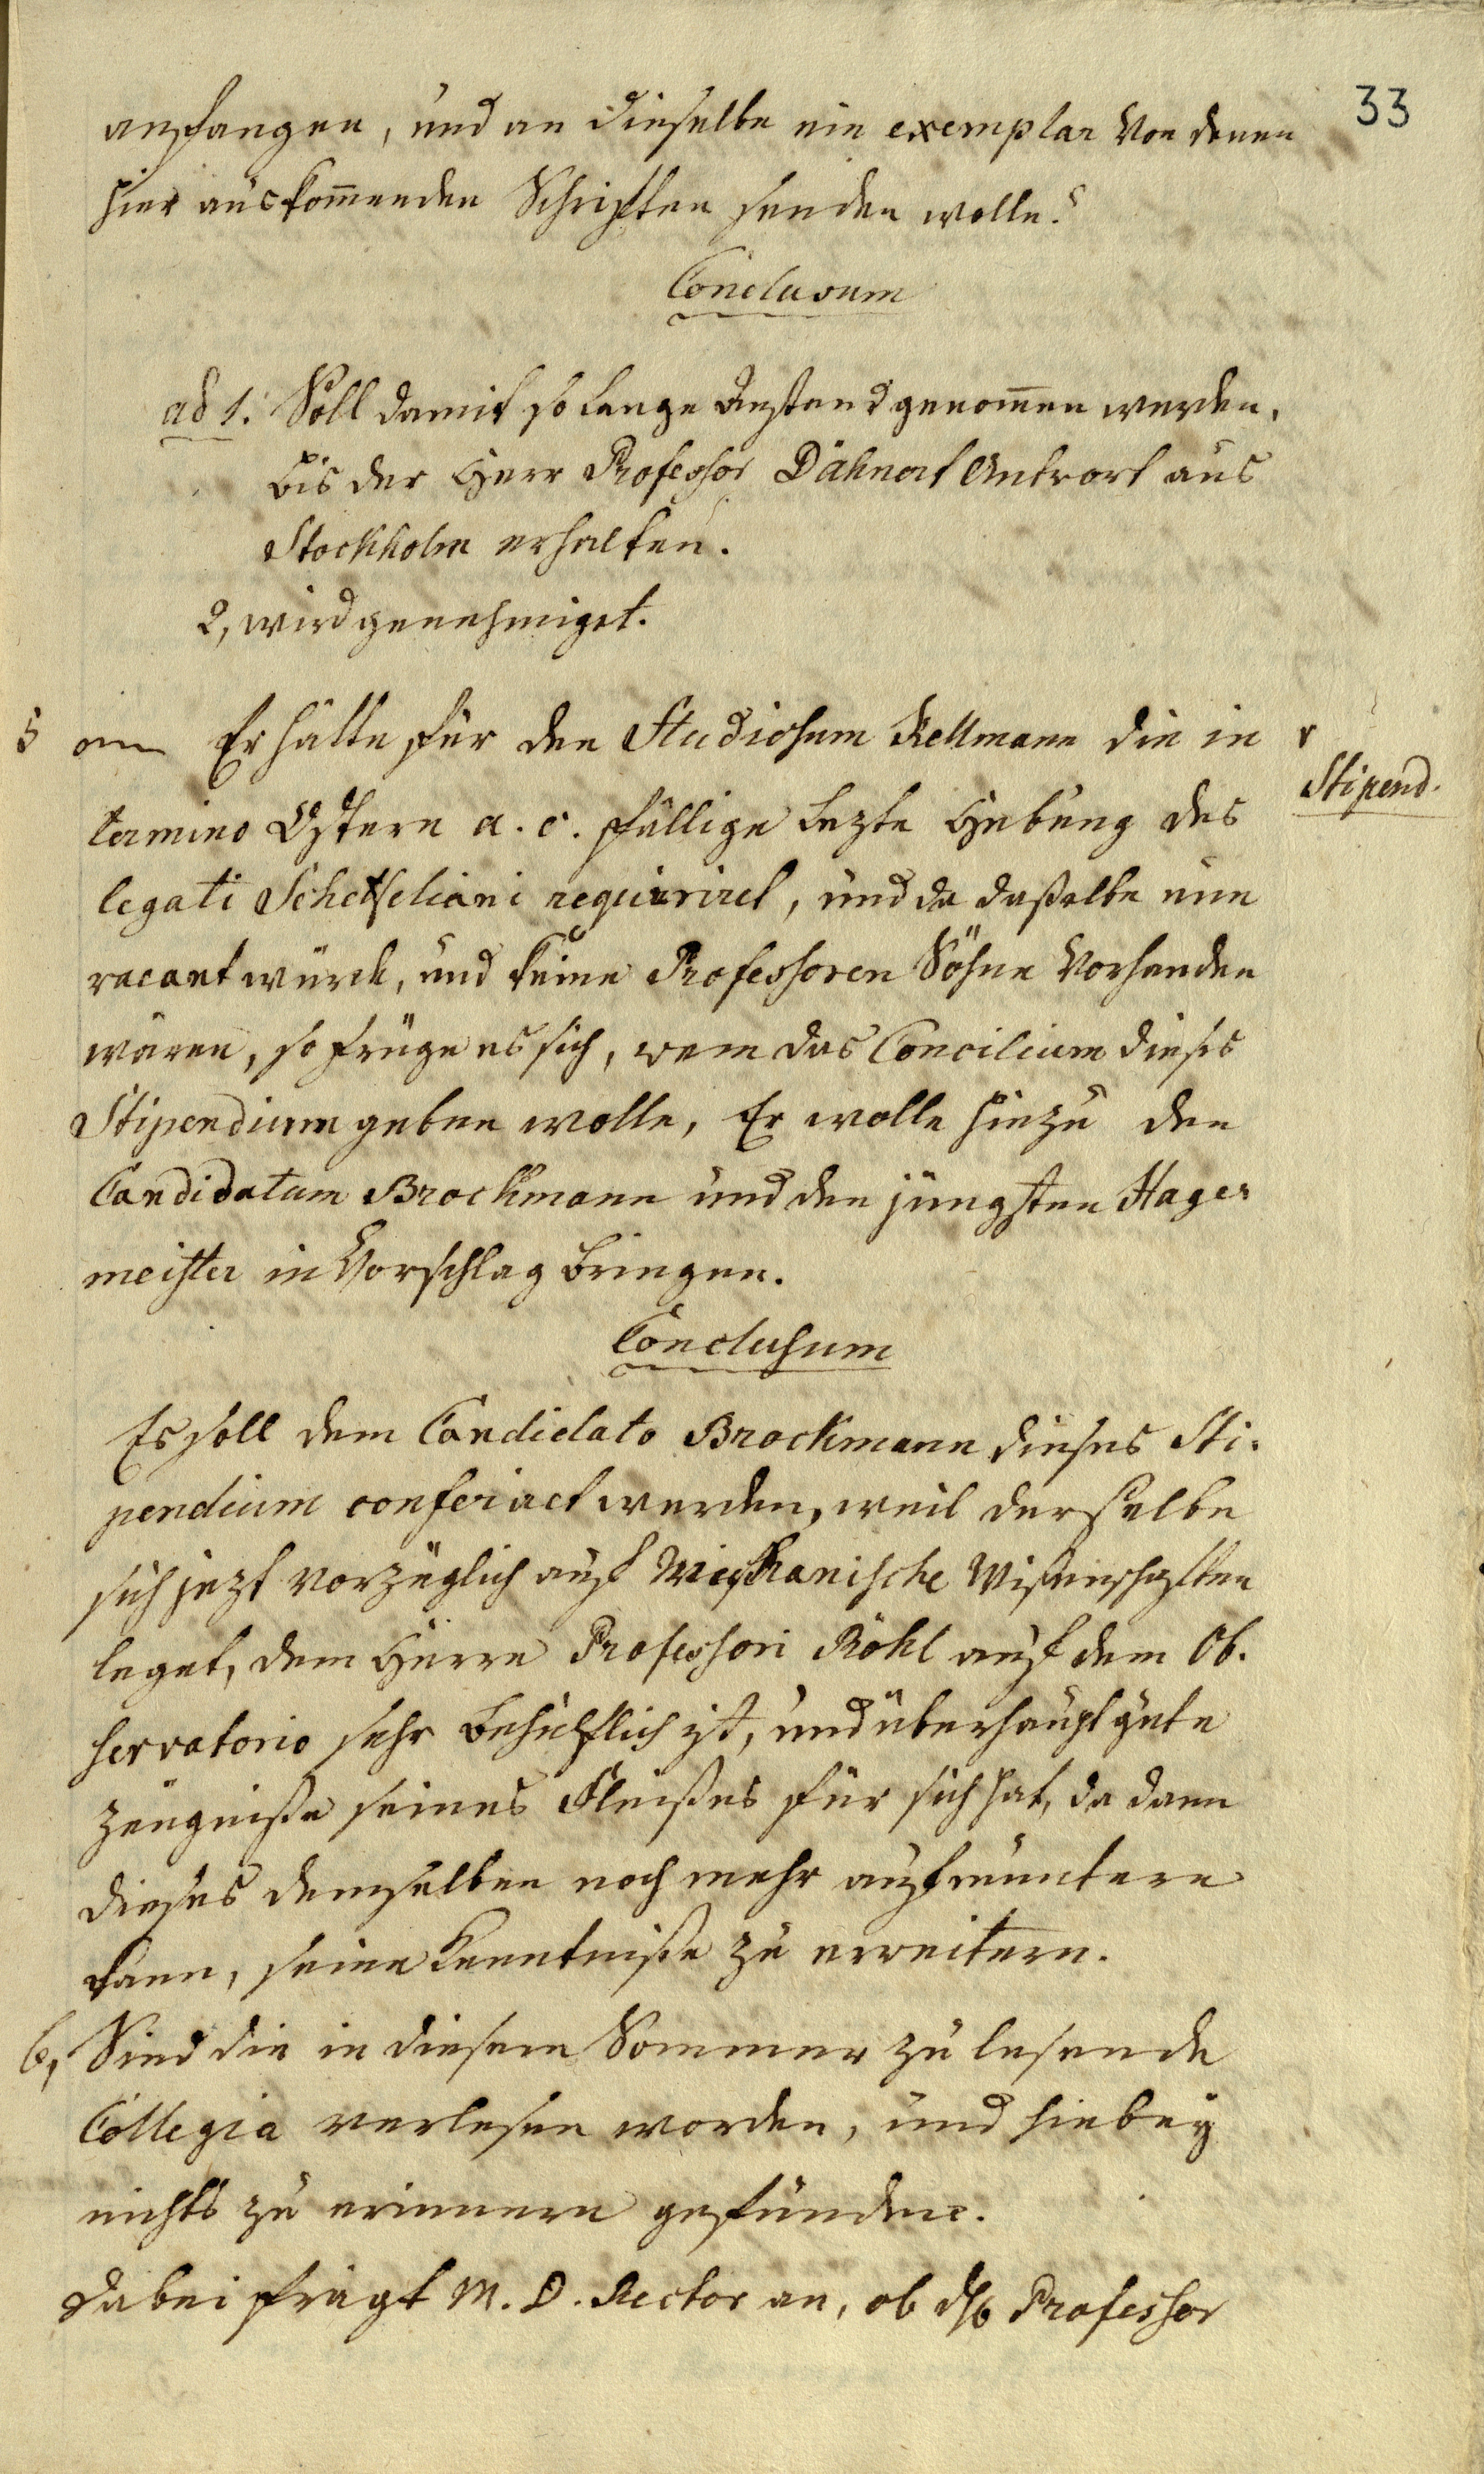anfangen, und an dieselbe ein exemplar von denen
hier auskomenden Schriften senden wolle?
Conclusum
ad 1. Soll damit solange Anstand genomen werden,
bis der Herr Professor Dähnert Antwort aus
Stockholm erhalten.
2, wird genehmiget.
5 Er hätte für den Studiosum Kellmann die in
termino Ostern a. c. fällige lezte Hebung des
legati Scheffeliani requiriret, und da daßelbe nun
vacant würde, und keien Professoren Söhne vorhanden
wäre, so früge es sich, wem das Concilium dieses
Stipendium geben wolle, Er wolle hiezu den
Candidatum Brockmann und den jüngsten Hage¬
meister in Vorschalg bringen.
Conclusum
Es soll dem Candidato Brockmann dieses Sti¬
pendium conferiret werden, weil derselbe
sich jezt vorzüglich auf Mechanische Wissenschaften
leget, dem Herrn Professori Röhl auf dem Ob¬
servatorio sehr behülflich ist, und überhaupt gute
Zeugniße seines Fleißes für sich hat, da dann
dieses demselben noch mehr aufmuntern
kann, seine Kenntniße zu erweitern.
6, Sind die in diesem Sommer zu lesende
Collegia verlesen worden, und hiebeÿ
nichts zu erinnern gefunden.
Dabei frägt M. D. Rector an, ob dh Professor